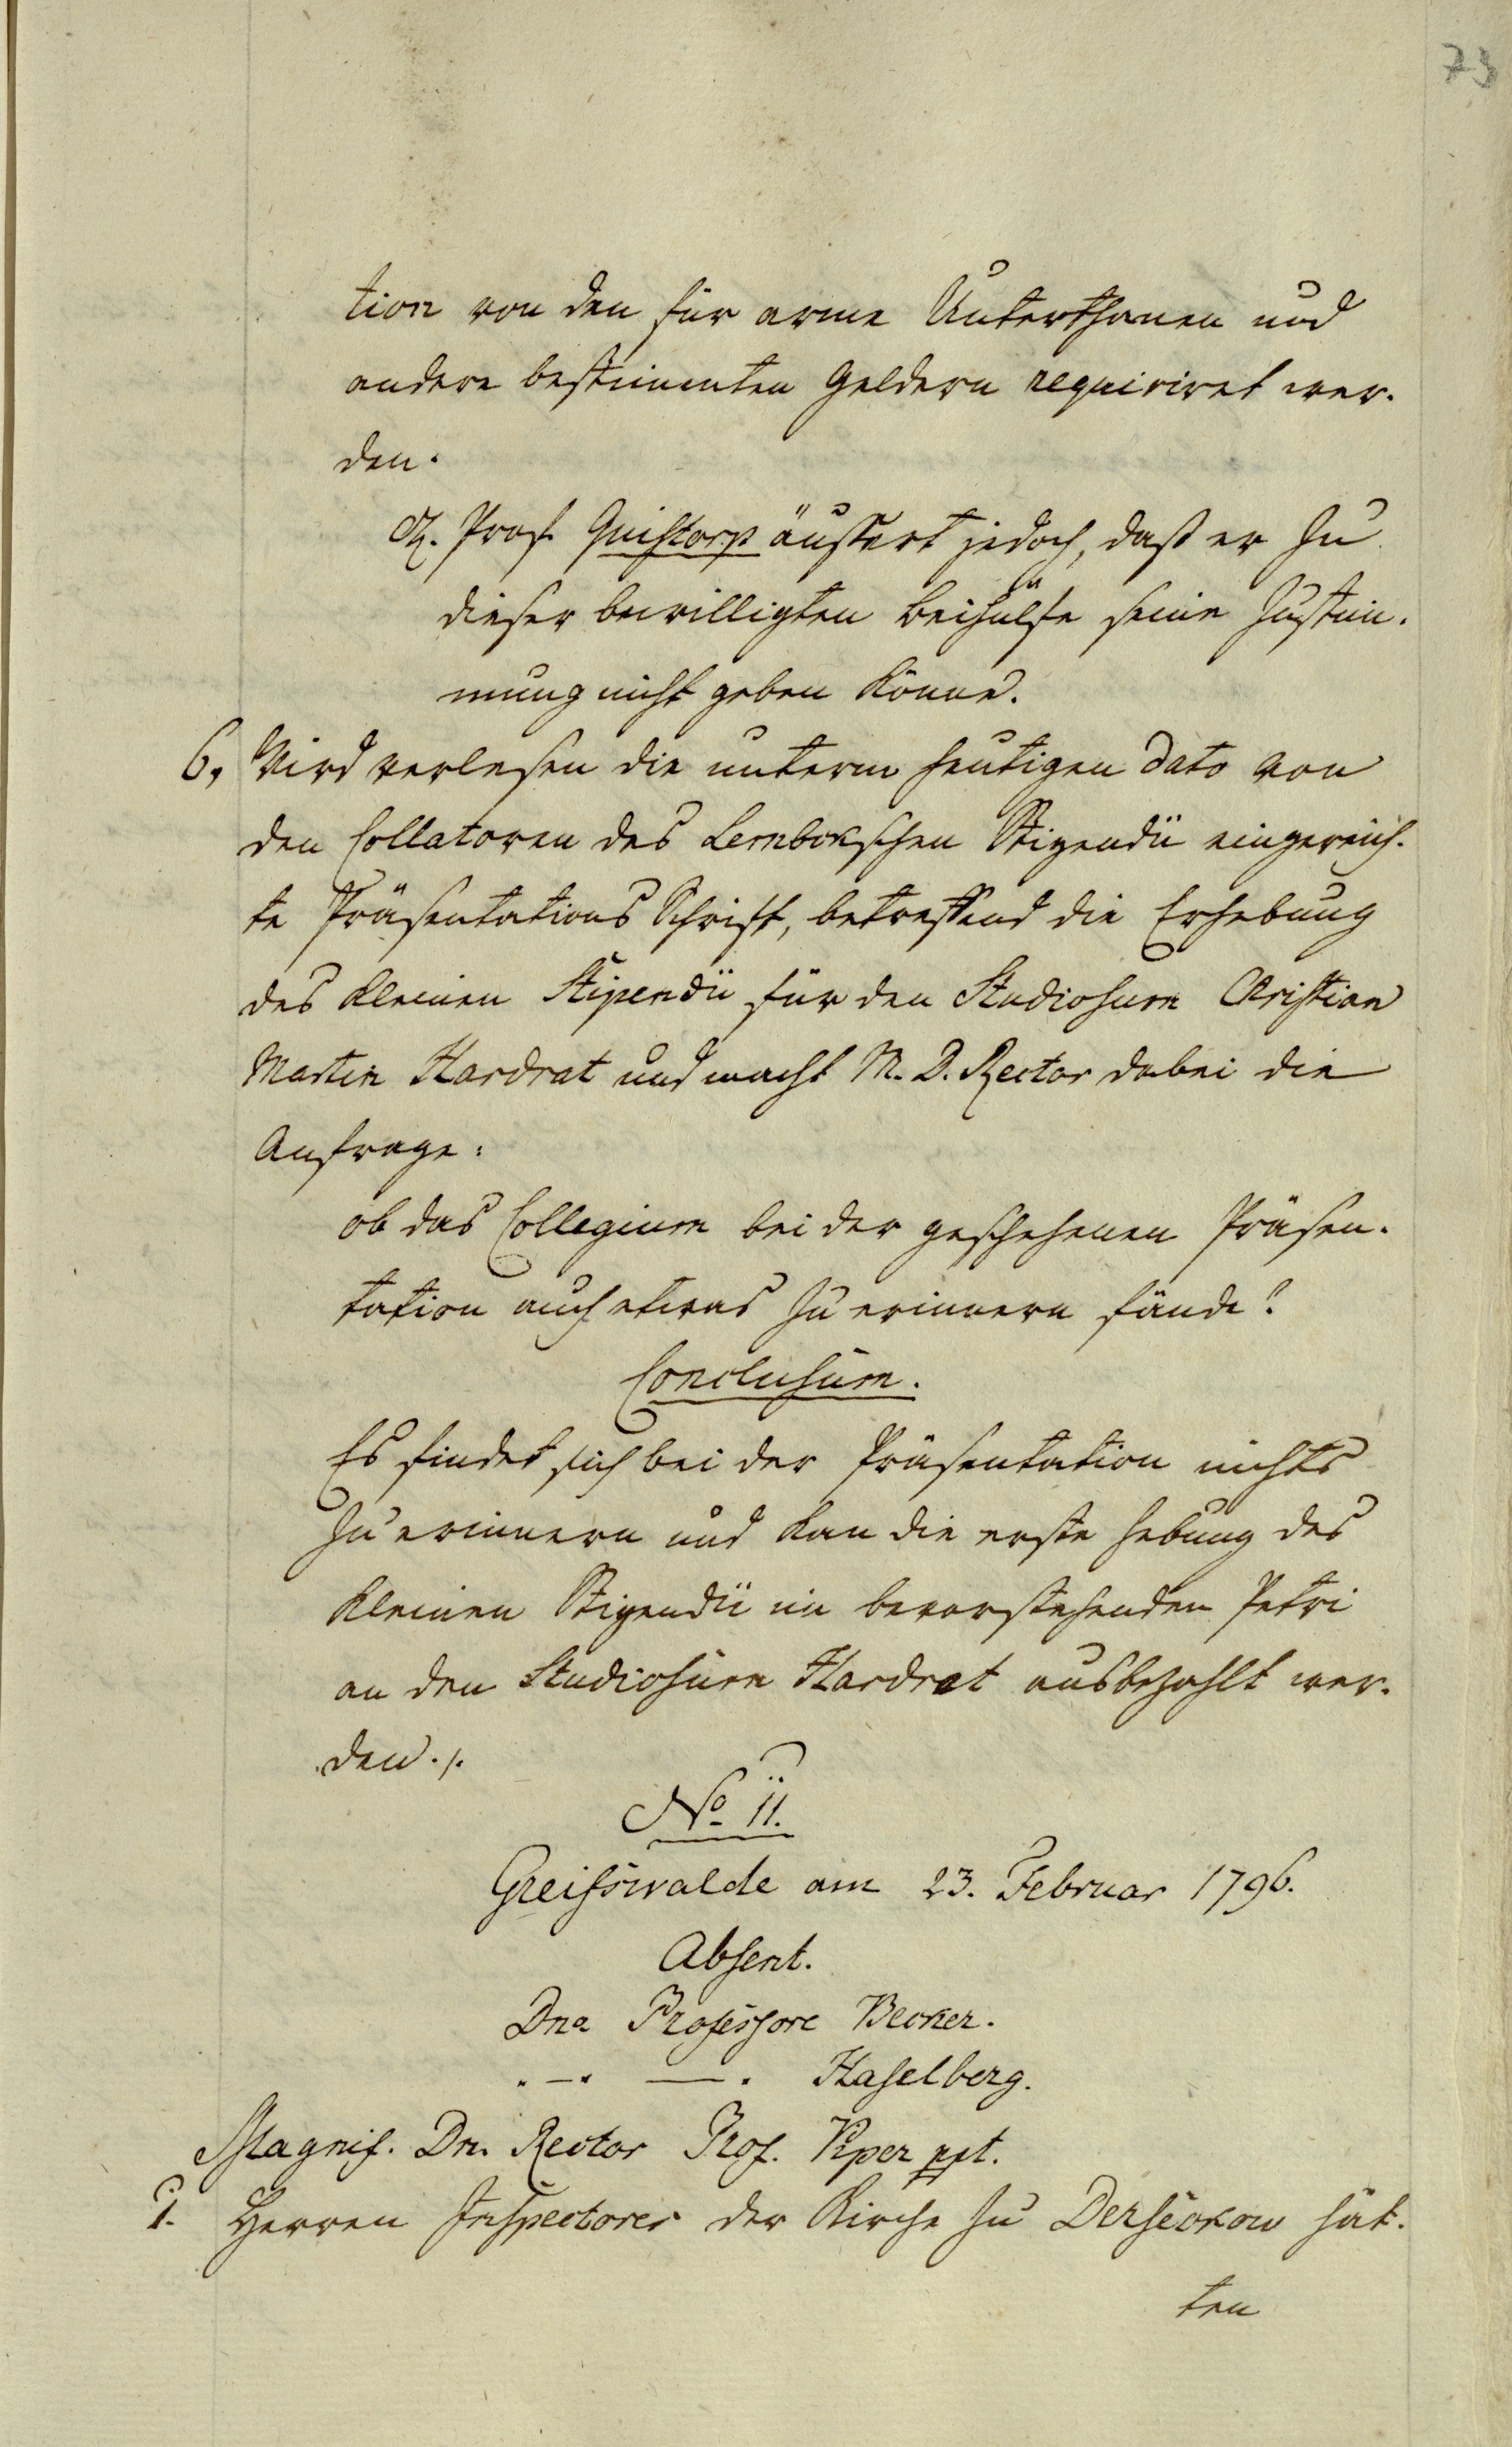tion von den für arme Unterthanen und
andere bestimmten Geldern requiriret wer¬
den.
dh. Prof. Quistorp äussert jedoch, daß er zu
dieser bewilligten Beihülfe seine Zustim¬
mung nicht geben könne.
6., Wird verlesen die unterm heutigen dato von
den Collatoren des Lembckschen Stipendii eingereich¬
te Präsentations Schrift, betreffend die Erhebung
des kleinen Stipendii für den Studiosum Christian
Martin Hardrat und macht M. D. Rector dabei die
Anfrage:
ob das Collegium bei der geschehenen Präsen
tation auch etwas zu erinnern fände?
Conclusum.
Es findet sich bei der Präsentation nichts
zu erinnern und kan die erste Hebung des
kleinen Stipendii im bevorstehenden Petri
an dem Studiosum Hardrat ausbezahlt wer¬
den.
No 11.
Greifswalde am 23. Februar 1796.
Absent.
Dn Professore Becker.
Haselberg.
Magnif. Dn. Rector Prof. Piper ppt.
1. Herren Inspectores der Kirche zu Derseckow hät¬
ten